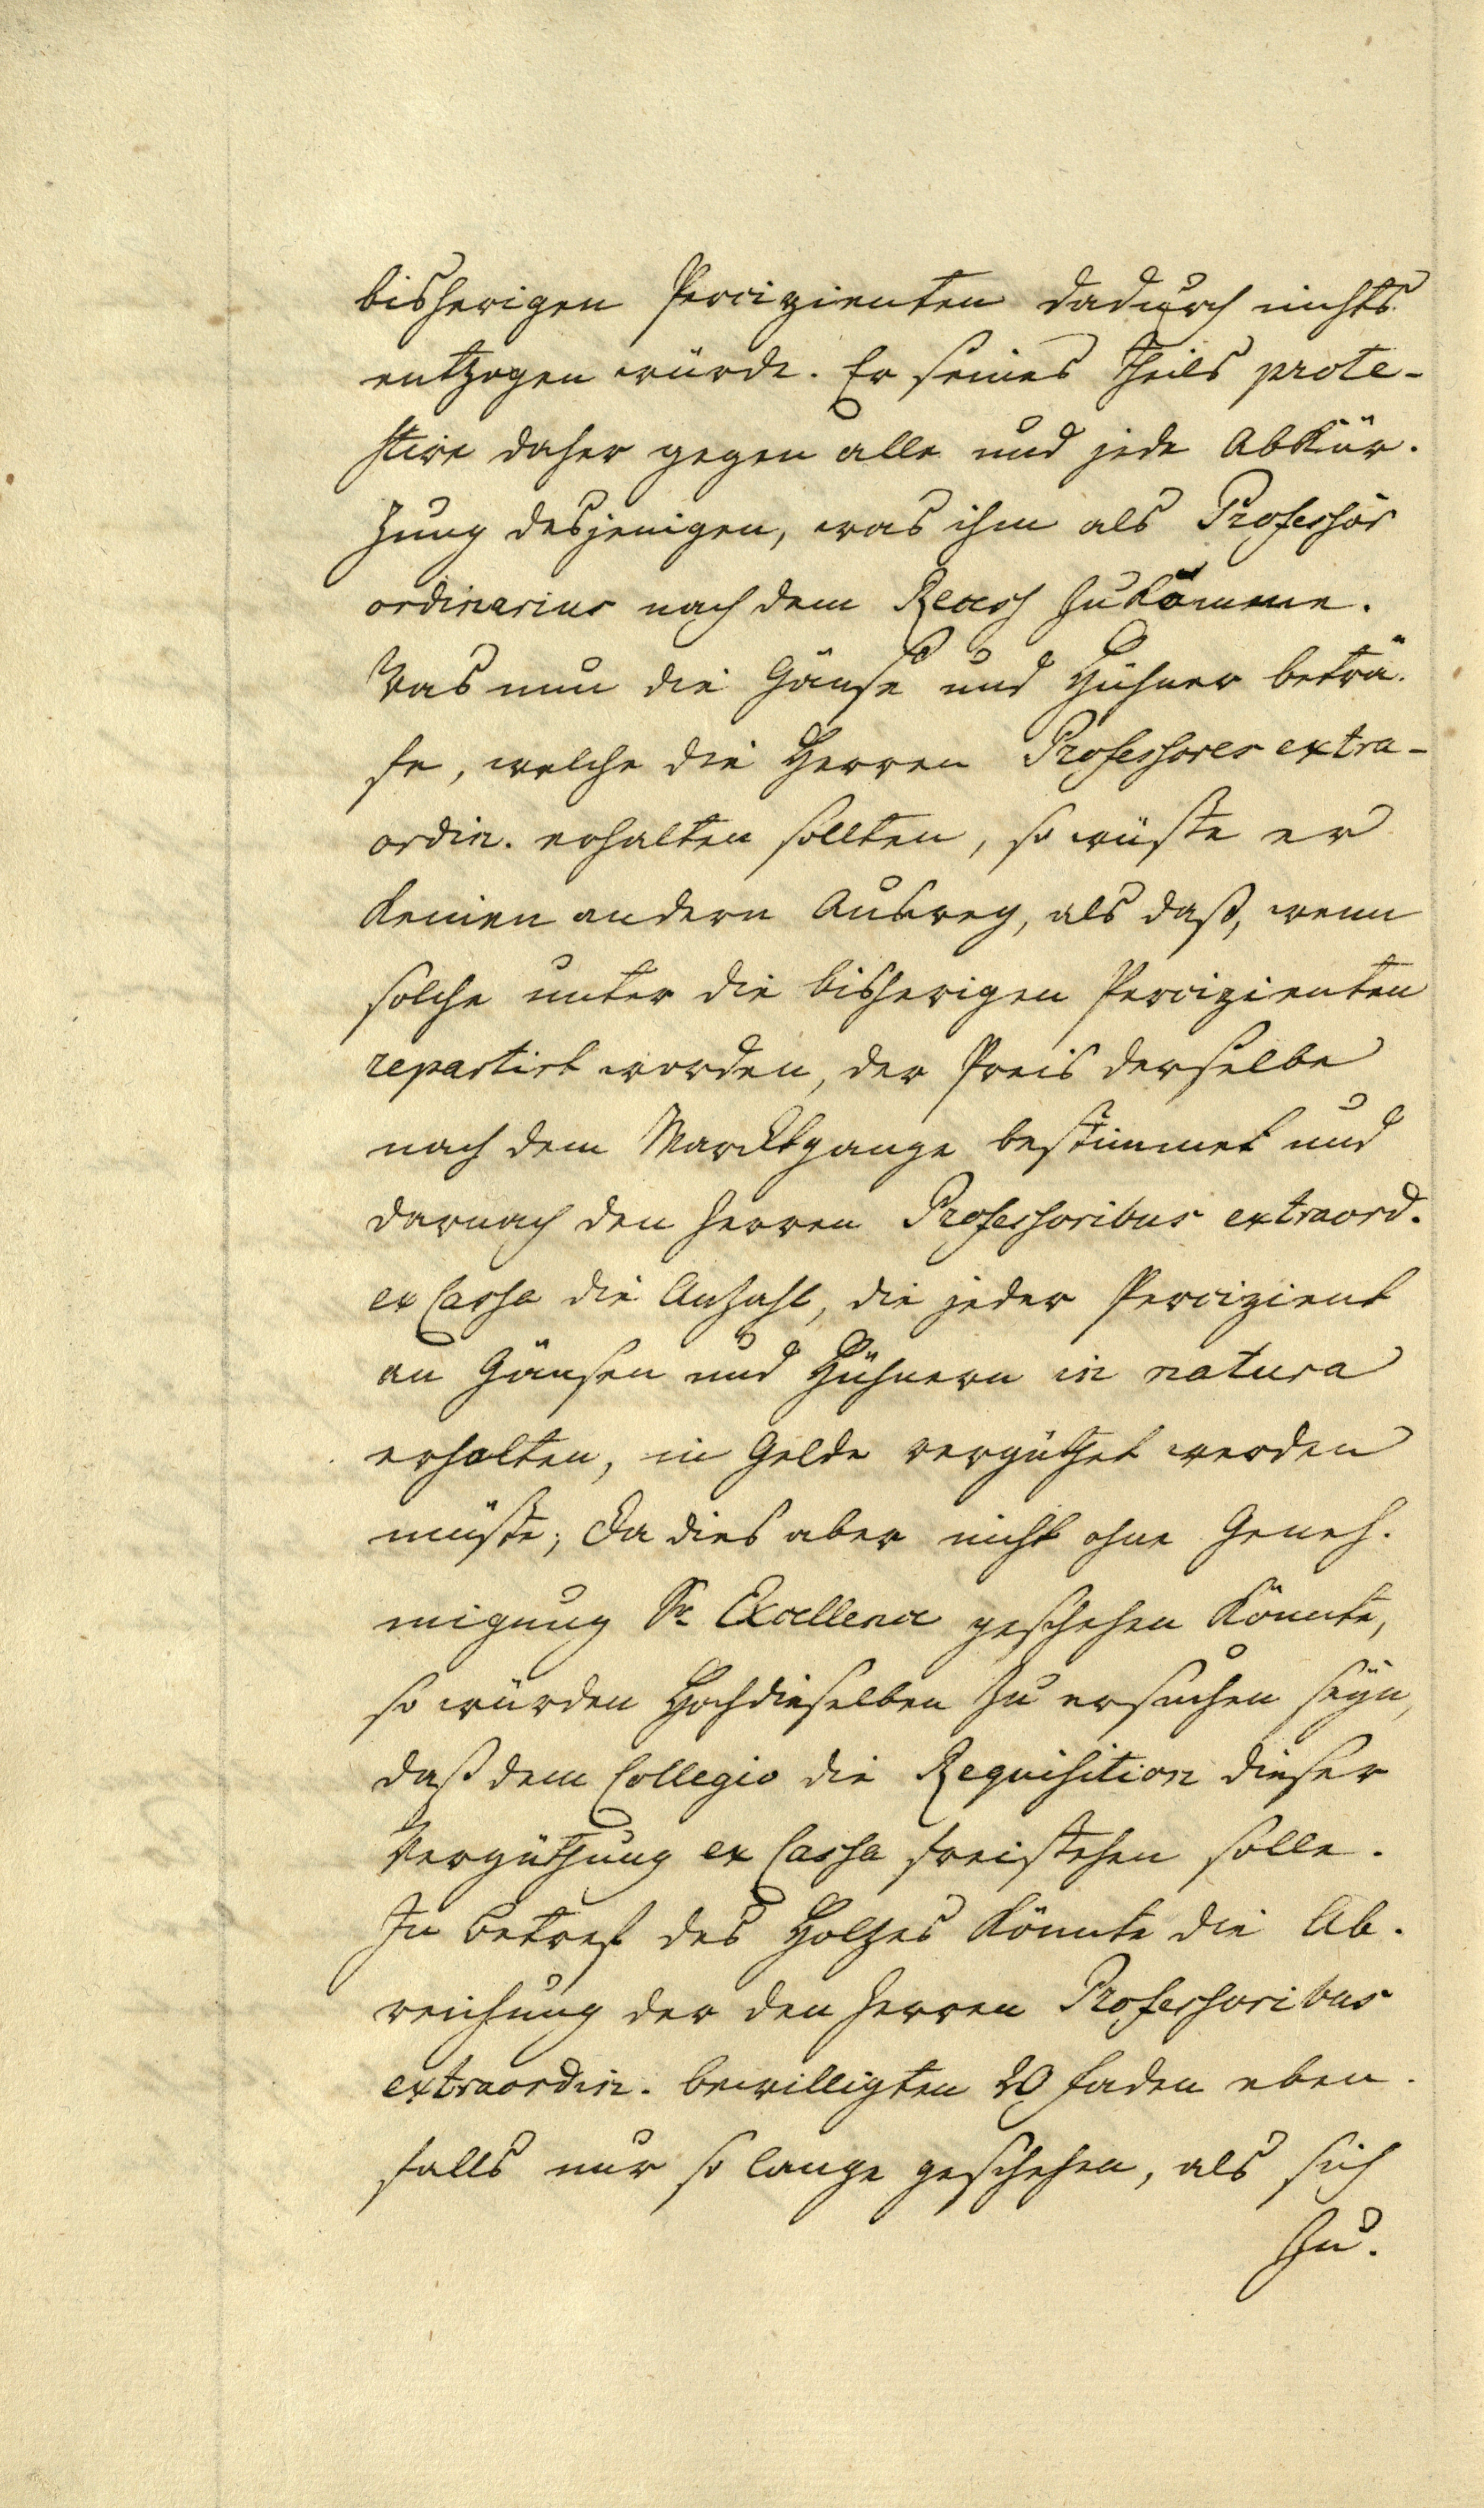bisherigen Percipienten dadurch nichts
entzogen würde. Er seines Theils prote¬
stire daher gegen alle und jede Abkür¬
zung desjenigen, was ihm als Professor
ordinarius nach dem Recess zukomme.
Was nun die Gänse und Hühner beträ¬
fe, welche die Herren Professores extra¬
ordin. erhalten sollten, so wüßte er
keinen andern Ausweg, als daß, wenn
solche unter die bisherigen Percipienten
repartirt worden, der Preis derselbe
nach dem Marcktgange bestimmet und
darnach den Herren Professoribus extraord.
ex Cassa die Anzahl, die jeder Percipient
an Gänsen und Hühnern in natura
erhalten, in Gelde vergüthet werden
müßte; Da des aber nicht ohne Geneh¬
migung Sr Excellence geschehen könnte,
so würden Hochdieselben zu ersuchen seÿn,
daß dem Collegio die Requisition dieser
Vergüthung ex Cassa freistehen solle.
In Betref des Holzes könnte die Ab¬
reichung der den Herren Professoribus
extraordin. bewilligten 20 Faden eben¬
falls nur so lange geschehen, als sich
zu